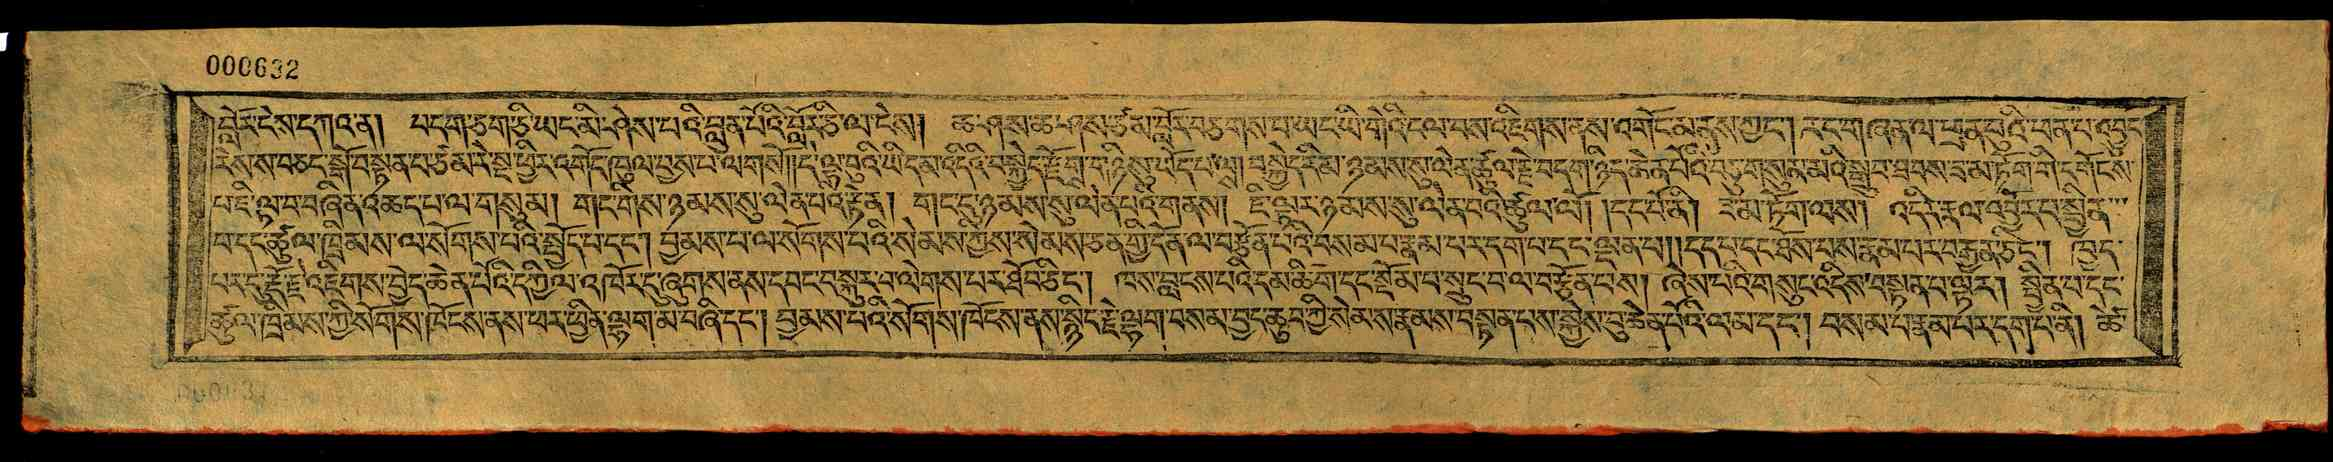བློར་ངེས་དཀའ་ན། བདག་ཅག་ཅི་ཡང་མི་ཤེས་པའི་བླུན་པོའི་བློར་ཅི་ལ་ངེས། ཆ་ཤས་ཆ་ཤས་ཙམ་བློར་བཅགས་པ་ཡང་ཡི་གེའི་ངལ་བས་འཇིགས་ནས་འགོད་མ་ནུས་ཀྱང་། །རང་གཞན་ལ་ཕྲན་བུའི་ཕན་པ་འབྱུང་
རེས་ས་བཅད་སྒོ་བསྟན་པ་ཙམ་རེ་སྔ་ཕྱིར་འགོད་ཁུལ་བྱས་པ་ལགས་སོ། །དེ་ལྟ་བུའི་ཡི་དམ་འདིའི་བསྐྱེད་རྫོགས་གཉིས་སུ་ཡོད་པ་ལས། བསྐྱེད་རིམ་ཉམས་སུ་ལེན་ཚུལ་རྗེ་བདག་ཉིད་ཆེན་པོའི་བཅུ་གསུམ་མའི་སྒྲུབ་ཐབས་ཟ་མ་ཏོག་གི་དགོངས་
པ་ཇི་ལྟ་བ་བཞིན་འཆད་པ་ལ་གསུམ། གང་གིས་ཉམས་སུ་ལེན་པའི་རྟེན། གང་དུ་ཉམས་སུ་ལེན་པའི་གནས། ཇི་ལྟར་ཉམས་སུ་ལེན་པའི་ཚུལ་ལོ། །དང་པོ་ནི། ཟ་མ་ཏོག་ལས། འདིར་རྣལ་འབྱོར་པ་སྦྱིན་
པ་དང་ཚུལ་ཁྲིམས་ལ་སོགས་པའི་སྤྱོད་པ་དང་། བྱམས་པ་ལ་སོགས་པའི་སེམས་ཀྱིས་སེམས་ཅན་གྱི་དོན་ལ་བརྩོན་པའི་བསམ་པ་རྣམ་པར་དག་པ་དང་ལྡན་པ། དད་པ་དང་ཐོས་པས་རྣམ་པར་བརྒྱན་ཅིང་། ཁྱད་
པར་དུ་རྡོ་རྗེ་འཇིགས་བྱེད་ཆེན་པོའི་དཀྱིལ་འཁོར་དུ་ཞུགས་ནས་དབང་བསྐུར་བ་ལེགས་པར་ཐོབ་ཅིང་། ཁས་བླངས་པའི་དམ་ཚིག་དང་སྡོམ་པ་སྲུང་པ་ལ་བརྩོན་པས། ཞེས་པའི་གསུང་འདིས་བསྟན་པ་ལྟར། སྦྱིན་པ་དང་
ཚུལ་ཁྲིམས་ཀྱི་སོགས་ཁོངས་ནས་ཕར་ཕྱིན་ལྷག་མ་བཞི་དང་། བྱམས་པའི་སོགས་ཁོངས་ནས་སྙིང་རྗེ་ལྷག་བསམ་བྱང་ཆུབ་ཀྱི་སེམས་རྣམས་བསྟན་པས་སྐྱེས་བུ་ཆེན་པོའི་ལམ་དང་། བསམ་པ་རྣམ་པར་དག་པ་ནི། ཚེ་